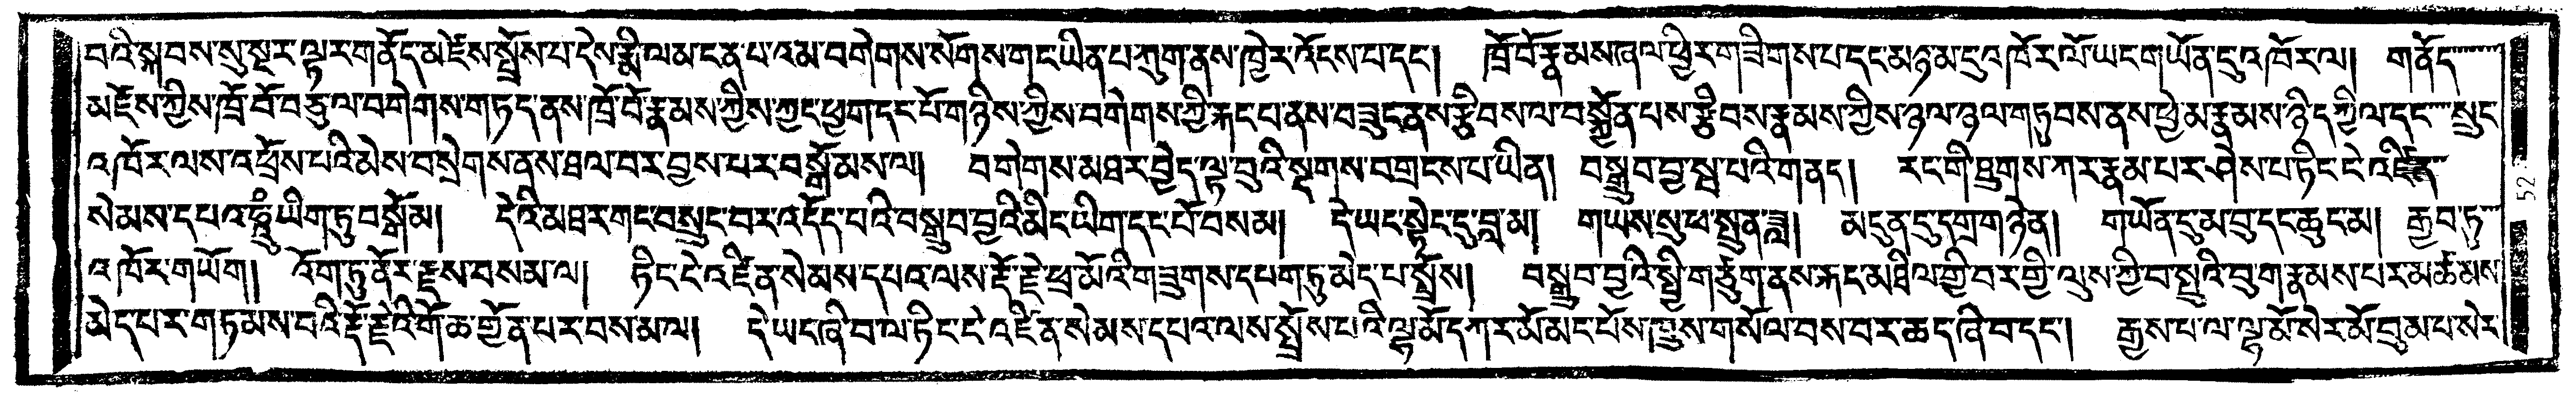པའི་སྐབས་སུ་སྔར་ལྟར་གནོད་མཛེས་སྤྲོས་པ་དེས་རྨི་ལམ་ངན་པ་འམ་བགེགས་སོགས་གང་ཡིན་པ་ཀུག་ནས་ཁྱེར་འོངས་པ་དང་། ཁྲོ་བོ་རྣམས་ཞལ་ཕྱིར་གཟིགས་པ་དང་མཉམ་དུ་འཁོར་ལོ་ཡང་གཡོན་དུ་འཁོར་ལ། གནོད་
མཛེས་ཀྱིས་ཁྲོ་བོ་བཅུ་ལ་བགེགས་གཏད་ནས་ཁྲོ་བོ་རྣམས་ཀྱིས་ཀྱང་ཕྱག་དང་པོ་གཉིས་ཀྱིས་བགེགས་ཀྱི་རྐང་པ་ནས་བཟུང་ནས་རྩིབས་ལ་བསྐྱོན་པས་རྩིབས་རྣམས་ཀྱིས་ཉལ་ཉལ་གཏུབས་ནས་ཕྱེ་མ་རྣམས་ཉི་དཀྱིལ་དང་སྲུང་
འཁོར་ལས་འཕྲོས་པའི་མེས་བསྲེགས་ནས་ཐལ་བར་བྱས་པར་བསྒོམས་ལ། བགེགས་མཐར་བྱེད་ལྟ་བུའི་སྔགས་བགྲངས་པ་ཡིན། བསྒྲུབ་བྱ་སྦ་བའི་གནད། རང་གི་ཐུགས་ཀར་རྣམ་པར་ཤེས་པ་ཏིང་ངེ་འཛིན་
སེམས་དཔའ་ཧཱུཾ་ཡིག་ཏུ་བསྒོམ། དེའི་མཐར་གང་བསྲུང་བར་འདོད་པའི་བསྒྲུབ་བྱའི་མིང་ཡིག་དང་པོ་བསམ། དེ་ཡང་སྟེང་དུ་བླ་མ། གཡས་སུ་ཕ་སྤུན་ཟླ། མདུན་དུ་དགྲ་གཉེན། གཡོན་དུ་མ་བུ་དང་ཆུང་མ། རྒྱབ་ཏུ་
འཁོར་གཡོག། འོག་ཏུ་ནོར་རྫས་བསམ་ལ། ཏིང་ངེ་འཛིན་སེམས་དཔའ་ལས་རྡོ་རྗེ་ཕྲ་མོའི་གཟུགས་དཔག་ཏུ་མེད་པ་སྤྲོས། བསྒྲུབ་བྱའི་སྤྱི་གཙུག་ནས་རྐང་མཐིལ་གྱི་བར་གྱི་ལུས་ཀྱི་བ་སྤུའི་བུ་ག་རྣམས་པར་མཚམས་
མེད་པར་གཏམས་པའི་རྡོ་རྗེའི་གོ་ཆ་གྱོན་པར་བསམ་ལ། དེ་ཡང་ཞི་བ་ལ་ཏིང་ངེ་འཛིན་སེམས་དཔའ་ལས་སྤྲོས་པའི་ལྷ་མོ་དཀར་མོ་མང་པོས་ཁྲུས་གསོལ་བས་བར་ཆད་ཞི་བ་དང་། རྒྱས་པ་ལ་ལྷ་མོ་སེར་མོ་བུམ་པ་སེར་